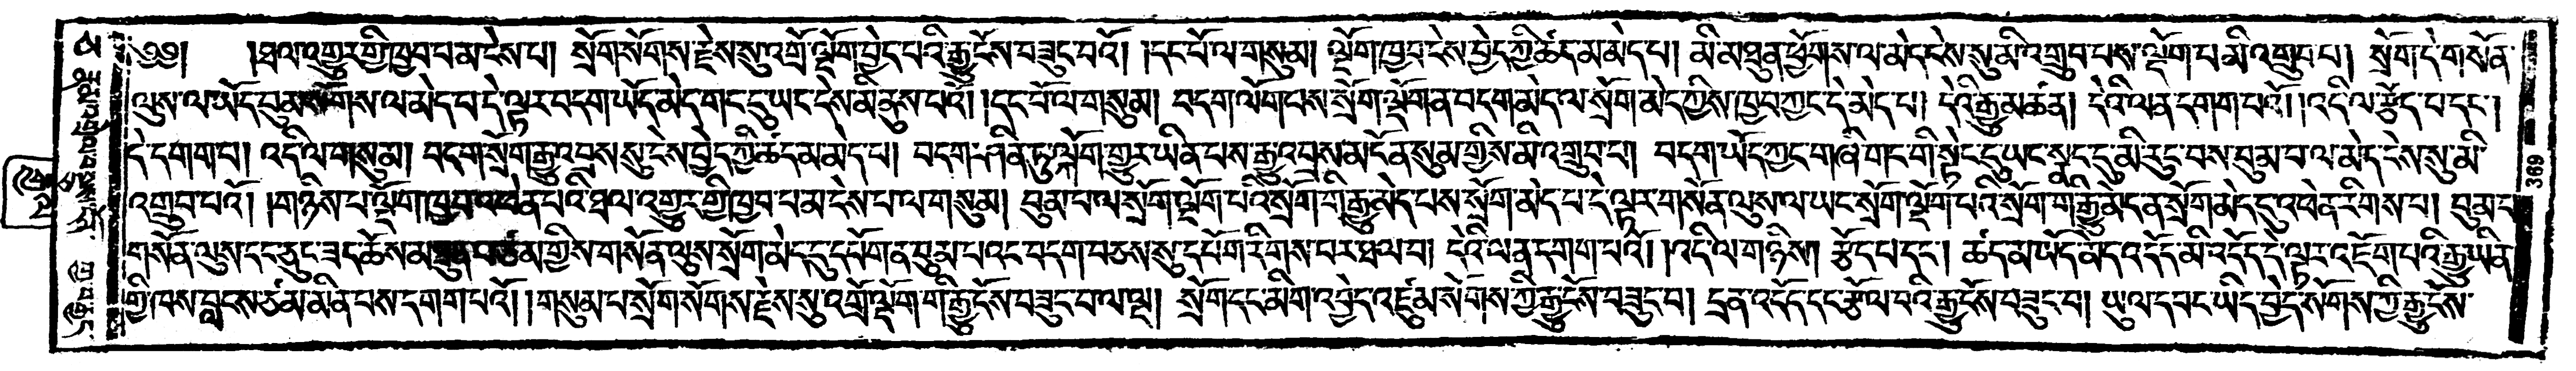༄༅། །ཐལ་འགྱུར་གྱི་ཁྱབ་པ་མ་ངེས་པ། སྲོག་སོགས་རྗེས་སུ་འགྲོ་ལྡོག་བྱེད་པའི་རྒྱུ་ངོས་བཟུང་བའོ། །དང་པོ་ལ་གསུམ། ལྡོག་ཁྱབ་ངེས་བྱེད་ཀྱི་ཚད་མ་མེད་པ། མི་མཐུན་ཕྱོགས་ལ་མེད་ངེས་སུ་མི་འགྲུབ་པས་ལྡོག་པ་མི་འགྲུབ་པ། སྲོག་དེ་གསོན་
ལུས་ལ་ཡོད་བུམ་སོགས་ལ་མེད་པ་དེ་ལྟར་བདག་ཡོད་མེད་གང་དུ་ཡང་དེས་མི་ནུས་པའོ། །དང་པོ་ལ་གསུམ། བདག་ལོག་པས་སྲོག་ལྡོག་ན་བདག་མེད་ལ་སྲོག་མེད་ཀྱིས་ཁྱབ་ཀྱང་དེ་མེད་པ། དེའི་རྒྱུ་མཚན། དེའི་ལན་དགག་པའོ། །འདི་ལ་རྩོད་པ་དང་།
དེ་དགག་པ། འདི་ལ་གསུམ། བདག་སྲོག་རྒྱུ་འབྲས་སུ་ངེས་བྱེད་ཀྱི་ཚད་མ་མེད་པ། བདག་ཤིན་ཏུ་ལྐོག་གྱུར་ཡིན་པས་རྒྱུ་འབྲས་མངོན་སུམ་གྱིས་མི་འགྲུབ་པ། བདག་ཡོད་ཀྱང་གཞི་གང་གི་སྟེང་དུ་ཡང་སྣང་དུ་མི་རུང་བས་བུམ་པ་ལ་མེད་ངེས་སུ་མི་
འགྲུབ་པའོ། །གཉིས་པ་ལྡོག་ཁྱབ་འཕེན་པའི་ཐལ་འགྱུར་གྱི་ཁྱབ་པ་མ་ངེས་པ་ལ་གསུམ། བུམ་པ་ལ་སྲོག་ལྡོག་པའི་སྲོག་གི་རྒྱུ་མེད་པས་སྲོག་མེད་པ་དེ་ལྟར་གསོན་ལུས་ལ་ཡང་སྲོག་ལྡོག་པའི་སྲོག་གི་རྒྱུ་མེད་ན་སྲོག་མེད་དུ་འཕེན་རིགས་པ། བུམ་པ་
གསོན་ལུས་དང་ཅུང་ཟད་ཆོས་མཐུན་པ་ཙམ་གྱིས་གསོན་ལུས་སྲོག་མེད་དུ་དཔོག་ན་བུམ་པའང་བདག་བཅས་སུ་དཔོག་རིགས་པར་ཐལ་བ། དེའི་ལན་དགག་པའོ། །འདི་ལ་གཉིས། རྩོད་པ་དང་། ཚད་མ་ཡོད་མེད་འདོད་མི་འདོད་དེ་ལྟར་འཇོག་པའི་རྒྱུ་ཡིན་
གྱི་ཁས་བླངས་ཙམ་མིན་པས་དགག་པའོ། །གསུམ་པ་སྲོག་སོགས་རྗེས་སུ་འགྲོ་ལྡོག་གི་རྒྱུ་ངོས་བཟུང་བ་ལ་ལྔ། སྲོག་དང་མིག་འབྱེད་འཛུམ་སོགས་ཀྱི་རྒྱུ་ངོས་བཟུང་བ། དྲན་འདོད་དང་རྩོལ་བའི་རྒྱུ་ངོས་བཟུང་བ། ཡུལ་དབང་ཡིད་བྱེད་སོགས་ཀྱི་རྒྱུ་ངོས་